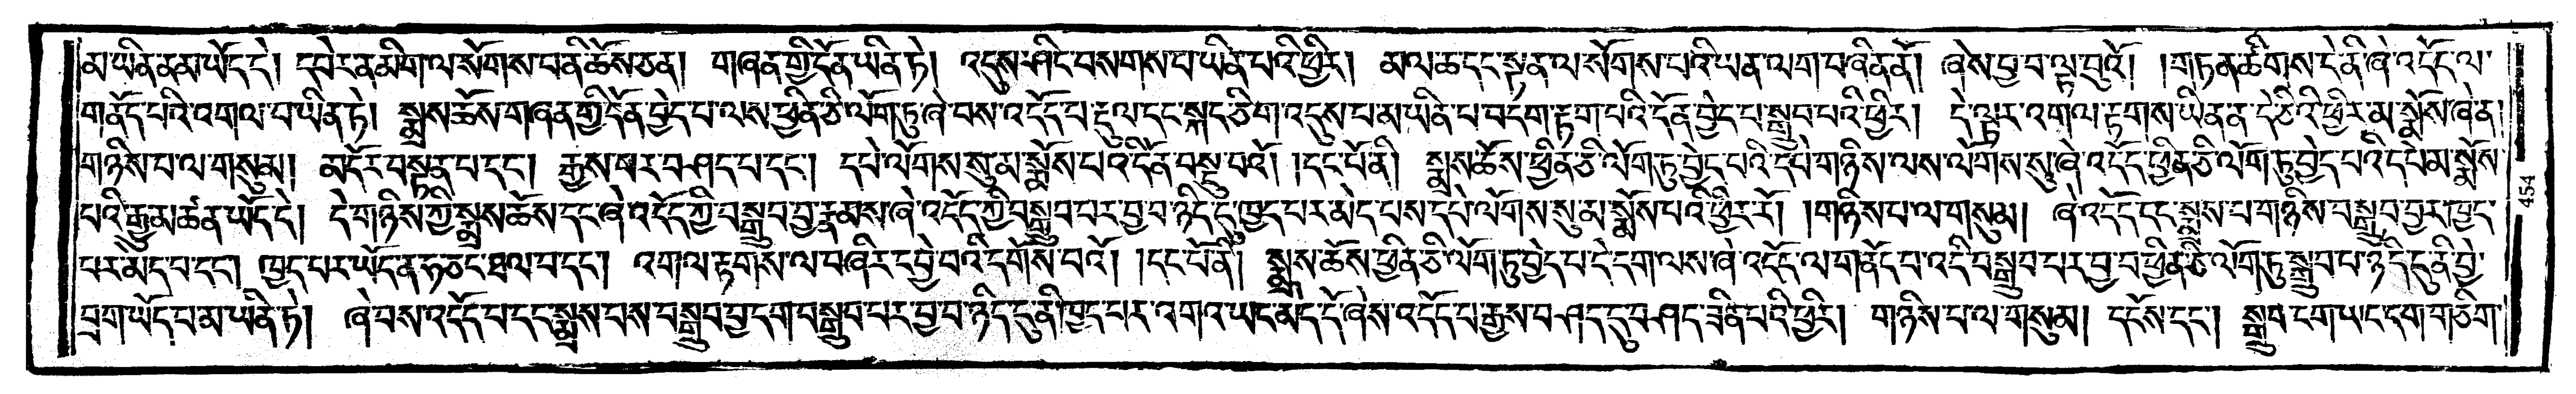མ་ཡིན་ནམ་ཡོད་དེ། དཔེར་ན་མིག་ལ་སོགས་པ་ནི་ཆོས་ཅན། གཞན་གྱི་དོན་ཡིན་ཏེ། འདུས་ཤིང་བསགས་པ་ཡིན་པའི་ཕྱིར། མལ་ཆ་དང་སྟན་ལ་སོགས་པའི་ཡན་ལག་བཞིན་ནོ། ཞེས་བྱ་བ་ལྟ་བུའོ། །གཏན་ཚིགས་དེ་ནི་ཞེ་འདོད་ལ་
གནོད་པའི་འགལ་བ་ཡིན་ཏེ། སྨྲས་ཆོས་གཞན་གྱི་དོན་བྱེད་པ་ལས་ཕྱིན་ཅི་ལོག་ཏུ་ཞེ་བས་འདོད་པ་རྡུལ་དང་སྐད་ཅིག་འདུས་པ་མ་ཡིན་པ་བདག་རྟག་པའི་དོན་བྱེད་པ་སྒྲུབ་པའི་ཕྱིར། དེ་ལྟར་འགལ་རྟགས་ཡིན་ན་དེ་ཅིའི་ཕྱིར་མ་སྨོས་ཞེ་ན།
གཉིས་པ་ལ་གསུམ། མདོར་བསྟན་པ་དང་། རྒྱས་པར་བཤད་པ་དང་། དཔེ་ལོགས་སུ་མ་སྨོས་པའི་དོན་བསྡུ་བའོ། །དང་པོ་ནི། སྨྲས་ཆོས་ཕྱིན་ཅི་ལོག་ཏུ་བྱེད་པའི་དཔེ་གཉིས་ལས་ལོགས་སུ་ཞེ་འདོད་ཕྱིན་ཅི་ལོག་ཏུ་བྱེད་པའི་དཔེ་མ་སྨོས་
པའི་རྒྱུ་མཚན་ཡོད་དེ། དེ་གཉིས་ཀྱི་སྨྲས་ཆོས་དང་ཞེ་འདོད་ཀྱི་བསྒྲུབ་བྱ་རྣམས་ཞེ་འདོད་ཀྱི་བསྒྲུབ་པར་བྱ་བ་ཉིད་དུ་ཁྱད་པར་མེད་པས་དཔེ་ལོགས་སུ་མ་སྨོས་པའི་ཕྱིར་རོ། །གཉིས་པ་ལ་གསུམ། ཞེ་འདོད་དང་སྨྲས་པ་གཉིས་བསྒྲུབ་བྱར་ཁྱད་
པར་མེད་པ་དང་། ཁྱད་པར་ཡོད་ན་ཧ་ཅང་ཐལ་བ་དང་། འགལ་རྟགས་ལ་བཞིར་དབྱེ་བའི་དགོས་པའོ། །དང་པོ་ནི། སྨྲས་ཆོས་ཕྱིན་ཅི་ལོག་ཏུ་བྱེད་པ་དེ་དག་ལས་ཞེ་འདོད་ལ་གནོད་པ་འདི་བསྒྲུབ་པར་བྱ་བ་ཕྱིན་ཅི་ལོག་ཏུ་སྒྲུབ་པ་ཉིད་དུ་ནི་བྱེ་
བྲག་ཡོད་པ་མ་ཡིན་ཏེ། ཞེ་བས་འདོད་པ་དང་སྨྲས་པས་བསྒྲུབ་བྱ་དག་བསྒྲུབ་པར་བྱ་བ་ཉིད་དུ་ནི་ཁྱད་པར་འགའ་ཡང་མེད་དོ་ཞེས་འདོད་པ་རྒྱས་བཤད་དུ་བཤད་ཟིན་པའི་ཕྱིར། གཉིས་པ་ལ་གསུམ། དངོས་དང་། སྒྲུབ་ངག་ཡང་དག་གཅིག་